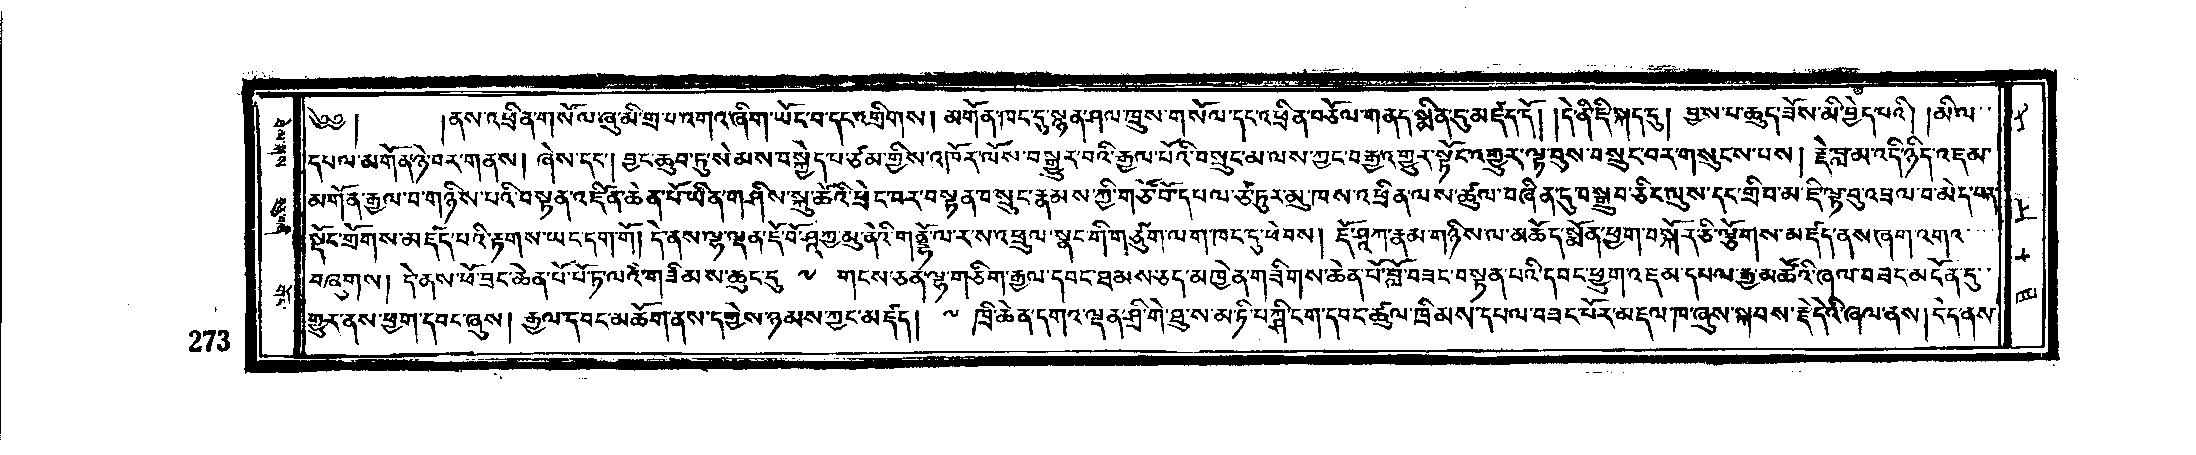༄༅། །ནས་འཕྲིན་གསོལ་ཞུ་མི་གྲ་པ་འགའ་ཞིག་ཡོང་བ་དང་འགྲིགས། མགོན་ཁང་དུ་སྙན་ཤལ་ཁྲུས་གསོལ་དང་འཕྲིན་བཅོལ་གནད་སྨིན་དུ་མཛད་དོ། །དེ་ནི་ཇི་སྐད་དུ། བྱས་པ་ཆུད་ཟོས་མི་བྱེད་པའི། །མི་ལ་
དཔལ་མགོན་ཉེ་བར་གནས། ཞེས་དང་། བྱང་ཆུབ་ཏུ་སེམས་བསྐྱེད་པ་ཙམ་གྱིས་འཁོར་ལོས་བསྒྱུར་བའི་རྒྱལ་པོའི་བསྲུང་མ་ལས་ཀྱང་བརྒྱ་འགྱུར་སྟོང་འགྱུར་ལྟ་བུས་བསྲུང་བར་གསུངས་པས། རྗེ་བླ་མ་འདི་ཉིད་འཇམ་
མགོན་རྒྱལ་བ་གཉིས་པའི་བསྟན་འཛིན་ཆེན་པོ་ཡིན་གཤིས་སྐུ་ཚེའི་ཕྲེང་བར་བསྟན་བསྲུང་རྣམས་ཀྱི་གཙོ་བོ་དཔལ་ཙ་ཏུར་མུ་ཁས་འཕྲིན་ལས་ཚུལ་བཞིན་དུ་བསྒྲུབ་ཅིང་ལུས་དང་གྲིབ་མ་ཇི་ལྟ་བུ་འབྲལ་བ་མེད་པར་
སྡོང་གྲོགས་མཛད་པའི་རྟགས་ཡང་དག་གོ། དེ་ནས་ལྷ་ལྡན་ཇོ་བོ་ཤཱཀྱ་མུ་ནེའི་གནྡྷོ་ལ་ར་ས་འཕྲུལ་སྣང་གི་གཙུག་ལག་ཁང་དུ་ཕེབས། ཇོ་ཤཱཀ་རྣམ་གཉིས་ལ་མཆོད་སྨོན་ཕྱག་བསྐོར་ཅི་ལྕོགས་མཛད་ནས་ཞག་འགའ་
བཞུགས། དེ་ནས་ཕོ་བྲང་ཆེན་པོ་པོ་ཏ་ལའི་གཟིམས་ཆུང་ངུ ༧་གངས་ཅན་ལྷ་གཅིག་རྒྱལ་དབང་ཐམས་ཅད་མཁྱེན་གཟིགས་ཆེན་པོ་བློ་བཟང་བསྟན་པའི་དབང་ཕྱུག་འཇམ་དཔལ་རྒྱ་མཚོའི་ཞལ་བཟང་མངོན་དུ་
གྱུར་ནས་ཕྱག་དབང་ཞུས། རྒྱལ་དབང་མཆོག་ནས་དགྱེས་ཉམས་ཀྱང་མཛད། ༧་ཁྲི་ཆེན་དགའ་ལྡན་ཤྲི་གེ་ཐུ་ས་མ་ཏི་པཀྴི་ངག་དབང་ཚུལ་ཁྲིམས་དཔལ་བཟང་པོར་མཇལ་ཁ་ཞུས་སྐབས་རྗེ་དེའི་ཞལ་ནས། ངེད་ནས་